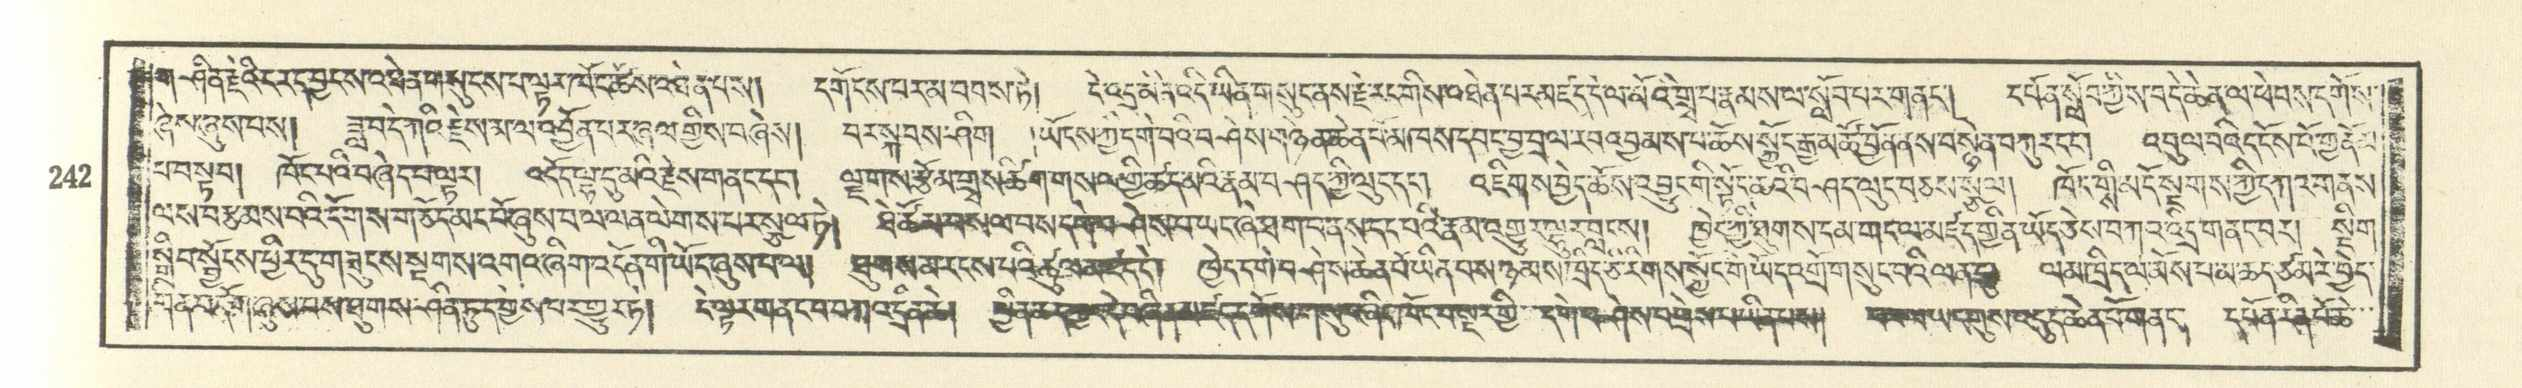གཤིན་རྗེའི་ངར་དབྱངས་འཐེན་གསུངས་པ་ལྟར་ཁོང་ཚོས་འཐེན་པས། དགོངས་པར་མ་བབས་ཏེ། དེ་འདྲ་མིན་འདི་ཡིན་གསུང་ནས་རྗེ་རང་གིས་འཐེན་པར་མཛད་དེ་ལ་མོའི་གྲྭ་པ་རྣམས་ལ་སློབ་པར་གནང་། དཔོན་སློབ་ཀྱིས་བདེ་ཆེན་ལ་ཕེབས་དགོས་
ཞེས་ཞུས་པས། ཟླ་བ་དེ་ཀའི་རྗེས་མ་ལ་འབྱོན་པར་ཞལ་གྱིས་བཞེས། བར་སྐབས་ཤིག །ཡོངས་ཀྱི་དགེ་བའི་བཤེས་གཉེན་ཆེན་པོ་མཁས་དབང་བྱ་བྲལ་རབ་འབྱམས་པ་ཆོས་སྐྱོང་རྒྱ་མཚོ་བྱོན་ནས་བསྙེན་བཀུར་དང་། འབུལ་བའི་དངོས་པོ་གྱ་ནོམ་
པ་བསྟབ། ཁོང་པའི་བཞེད་པ་ལྟར། འདོད་ལྷ་དུ་མའི་རྗེས་གནང་དང་། ལྗགས་རྩོམ་གྲྭས་ཚིག་གསལ་གྱི་ཚད་མའི་རྣམ་བཤད་ཀྱི་ལུང་དང་། འཇིགས་བྱེད་ཆོས་འབྱུང་གི་སྟོད་ཆའི་བཤད་ལུང་བཅས་སྩལ། ཁོང་གིས་མདོ་སྔགས་ཀྱི་དཀའ་གནས་
ལས་བརྩམས་བའི་དོགས་གཅོད་མང་པོ་ཞུས་པ་ལ་ལན་ལེགས་པར་སྩལ་ཏེ། ཐེ་ཚོམ་བསལ་བས་དགེ་བཤེས་པ་ཡང་ཞེ་ཐག་པ་ནས་དང་པའི་རྣམ་འགྱུར་ལྷུར་བླངས། ཁྱེད་ཀྱི་ཐུགས་དམ་གང་ལ་མཛད་གྱིན་ཡོད་ཅེས་བཀའ་འདྲི་གནང་བར། སྡིག་
སྒྲིབ་སྦྱོངས་ཕྱིར་དུ་གཟུངས་སྔགས་འགའ་ཞིག་འདོན་གི་ཡོད་ཞུས་པ་ལ། ཐུགས་མ་རངས་པའི་ཚུལ་མཛད་དེ། ཁྱེད་དགེ་བཤེས་ཆེན་པོ་ཡིན་པས་ཉམས་ཁྲིད་ཅི་རིགས་སྐྱོང་གི་ཡོད་འགྲོ་གསུང་བའི་ལན་དུ། ལམ་ཁྲིད་ལ་མོས་པ་མ་ཆད་ཙམ་རེ་བྱེད་
གིན་བདོག་ཞུས་པས་ཐུགས་ཤིན་ཏུ་དགྱེས་པར་གྱུར་ཏེ། དེ་ལྟར་གནང་བ་བཀའ་དྲིན་ཆེ། ཕྱིན་ཆད་ཀྱང་དེ་བཞིན་མཛད་དགོས་གསུང་ཞིང་ཁོང་བ་སྔར་གྱི་དགེ་བཤེས་བགྲེས་པ་ཡིན་པས། ཕར་ལ་ཡང་གུས་འདུད་ཆེན་པོ་གནང་། དཔོན་རིན་པོ་ཆེ་